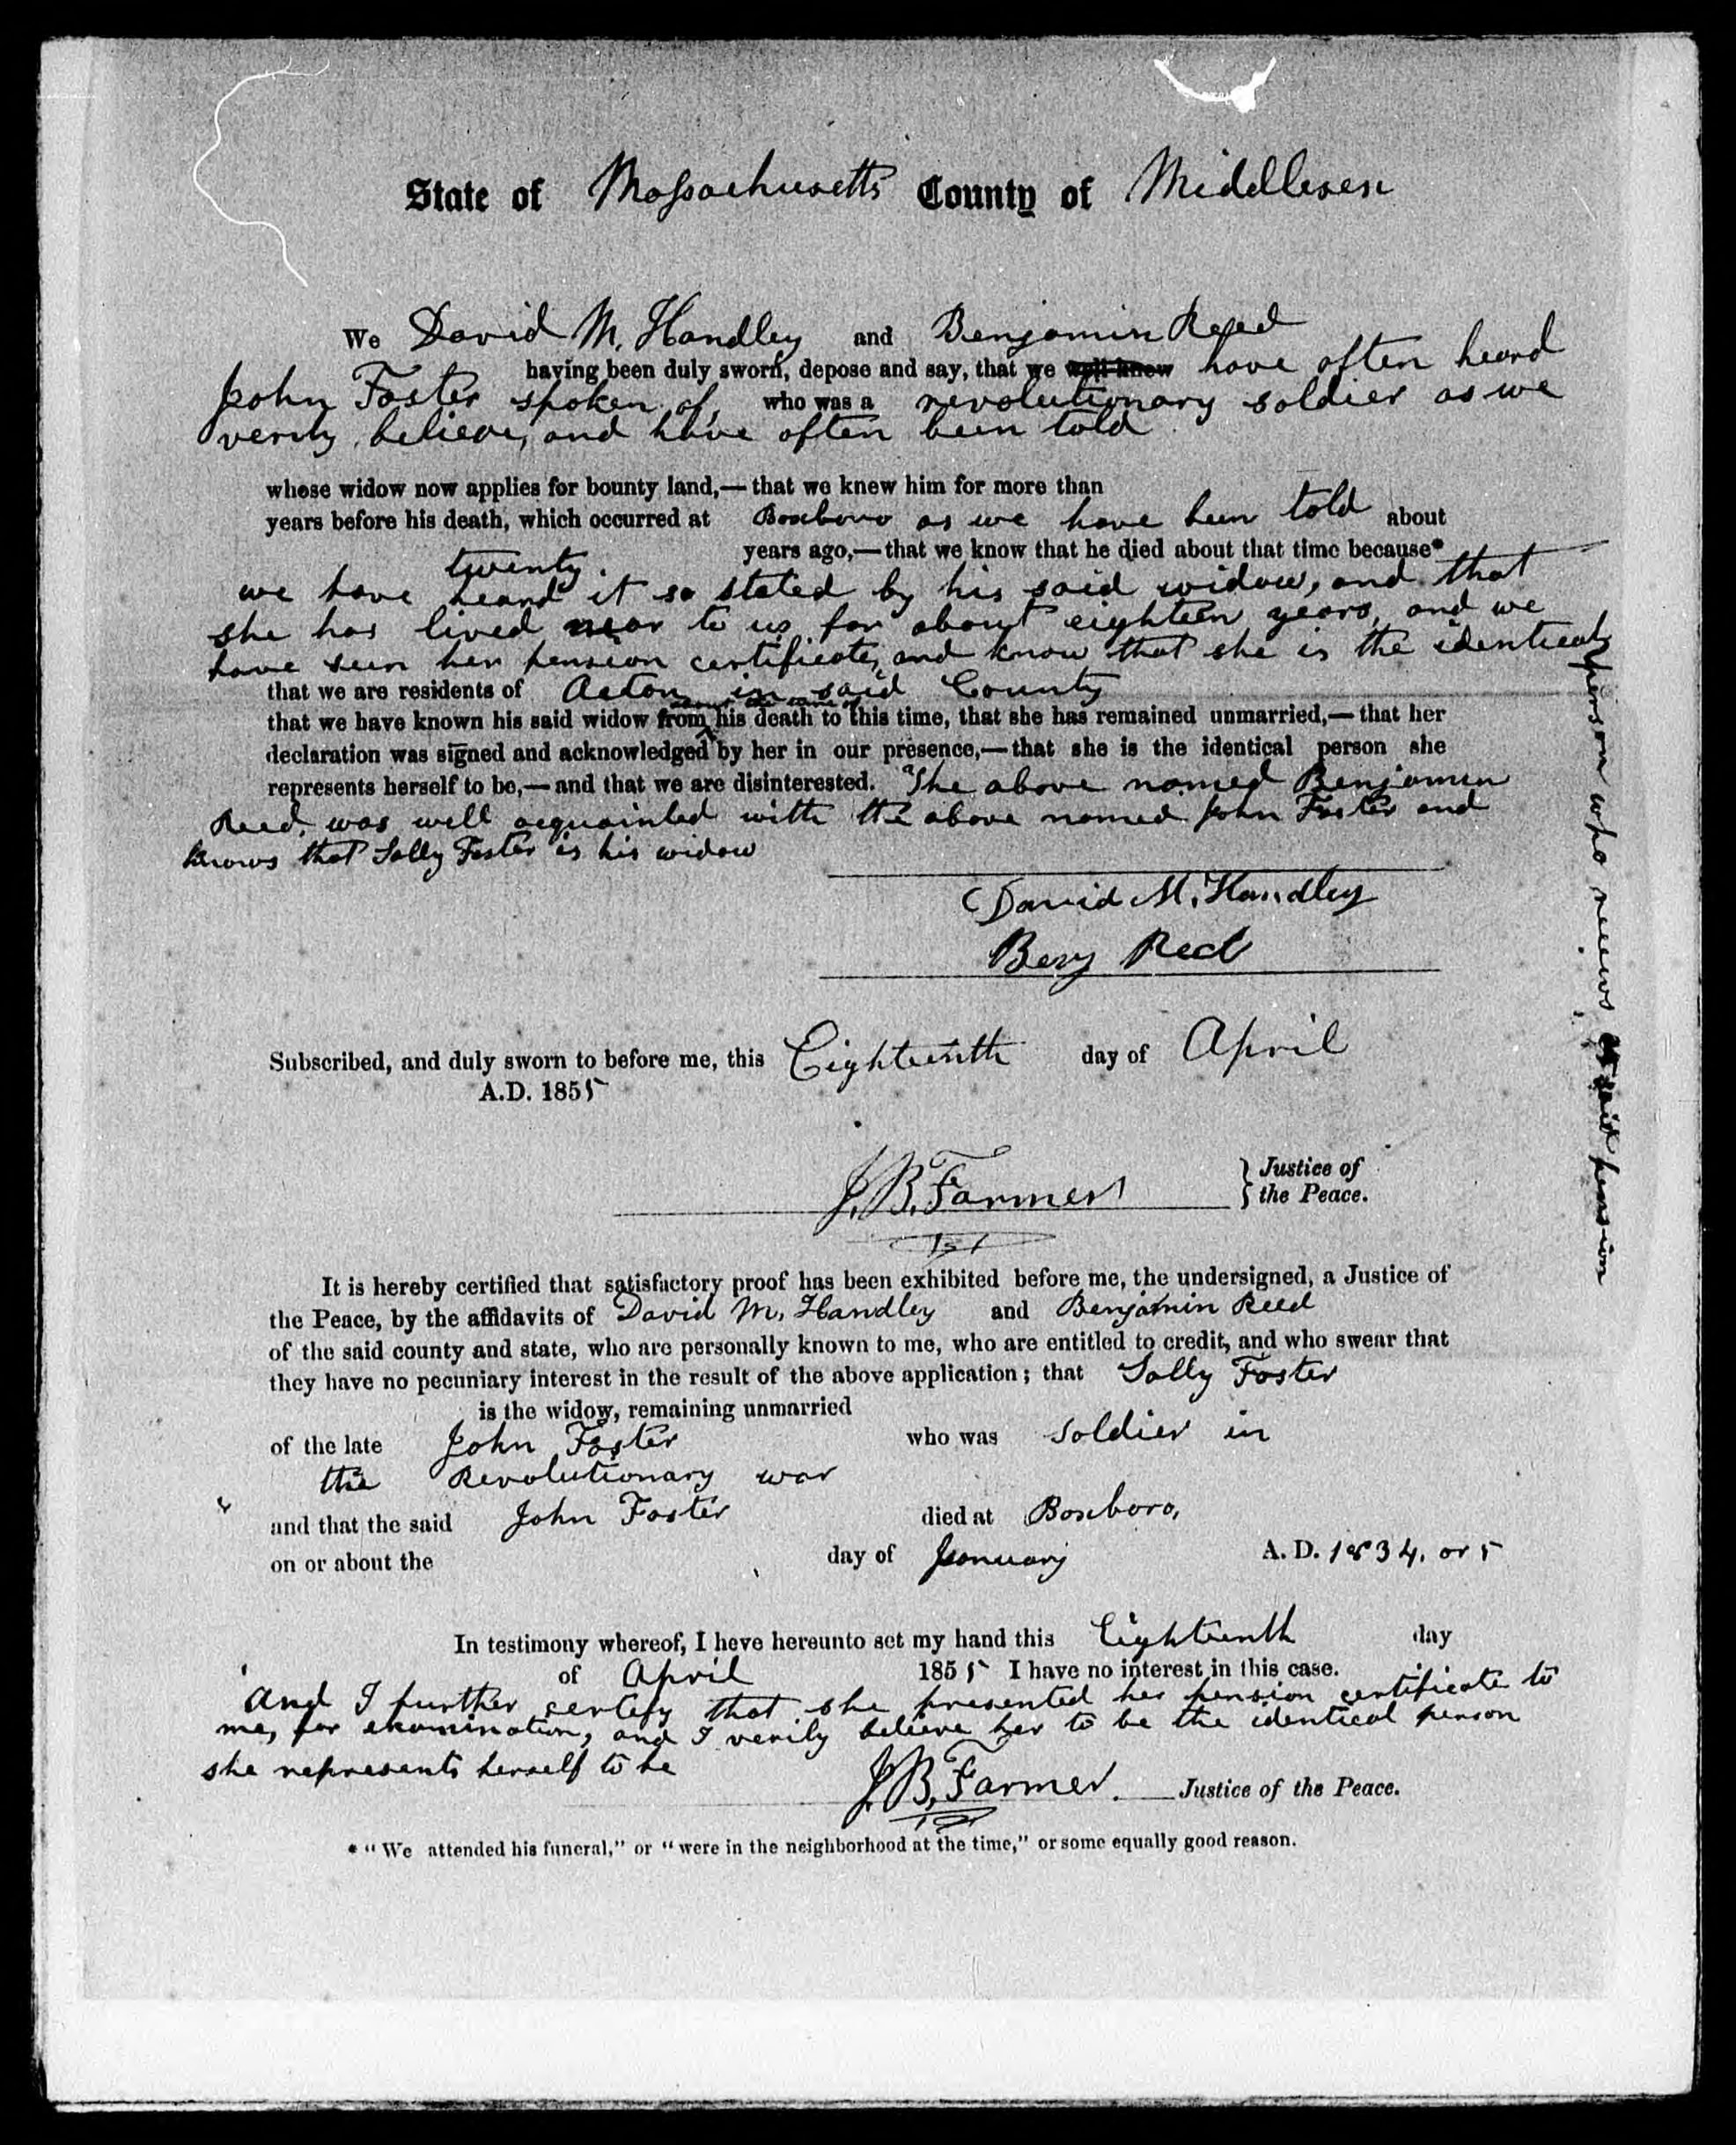State of Massachusetts County of Middlesex
We David M. Handley and Benjamin Reed having duly sworn depose and say that we have often heard John Foster spoken of who was a revolutionary soldier as we verily believe and have often been told.  whose widow now applies for bounty land and that we knew him for more than -- years before his death which occurred at Boxboro as we have been told about 20 years ago,- that we know that he died about that time* because we have heard it so stated by his said widow and that she has lived near to us for about 18 years and we have seen her pension certificate and know that she is the identical person who received said pension that we are residents of Acton in said County and that we have known his said widow from his death to this time and that she has remained unmarried,- that her declaration was signed and acknowledged by her in our presence,- that she is the identical person she represents herself to be and that we are disinterested. The above named Benjamin Reed was well acquainted with the above named John Foster and knows that Sally Foster is his widow. 
David M. Handley
Benj Reed
Subscribed, and duly sworn to before me this Eighteenth day of April A. D.  1855
J. B. Farmer} Justice of the Peace.
It is hereby certified that satisfactory proof has been exhibited before me, the undersigned, a Justice of the Peace, by the affidavits of David M. Handley and Benjamin Reed of the said county and state, who are personally known to me, who are entitled to credit, and who swear that they have no pecuniary interest in the result of the above application; that Sally Foster is the widow, remaining unmarried of the late John Foster who was soldier in the Revolutionary War and that the said John Foster died at Boxboro on or about the -- day of January AD 1834 or 5; 
In testimony whereof, I have hereunto set my hand this Eighteenth day of April 1855 I have no interest in this case ad I further certify that she presented her pension certificate to me for examination, and I verily believe her to be the identical person she represents herself to be 
J. B. Farmer, Justice of the Peace
*"We attended his funeral" or "were in the neighborhood at the time," or some equally good reason.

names: John Foster, David M Handley, Sally Foster, Benjamin Reed, John Foster, J B Farmer, John Foster, Benj Red, Benjamin Reed, John Foster, Sally Foster, David M Handley, David M Handley, J B Farmer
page: 40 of 47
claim: widow's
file: W. 7,302, John Foster, Continental Mass. R.I.